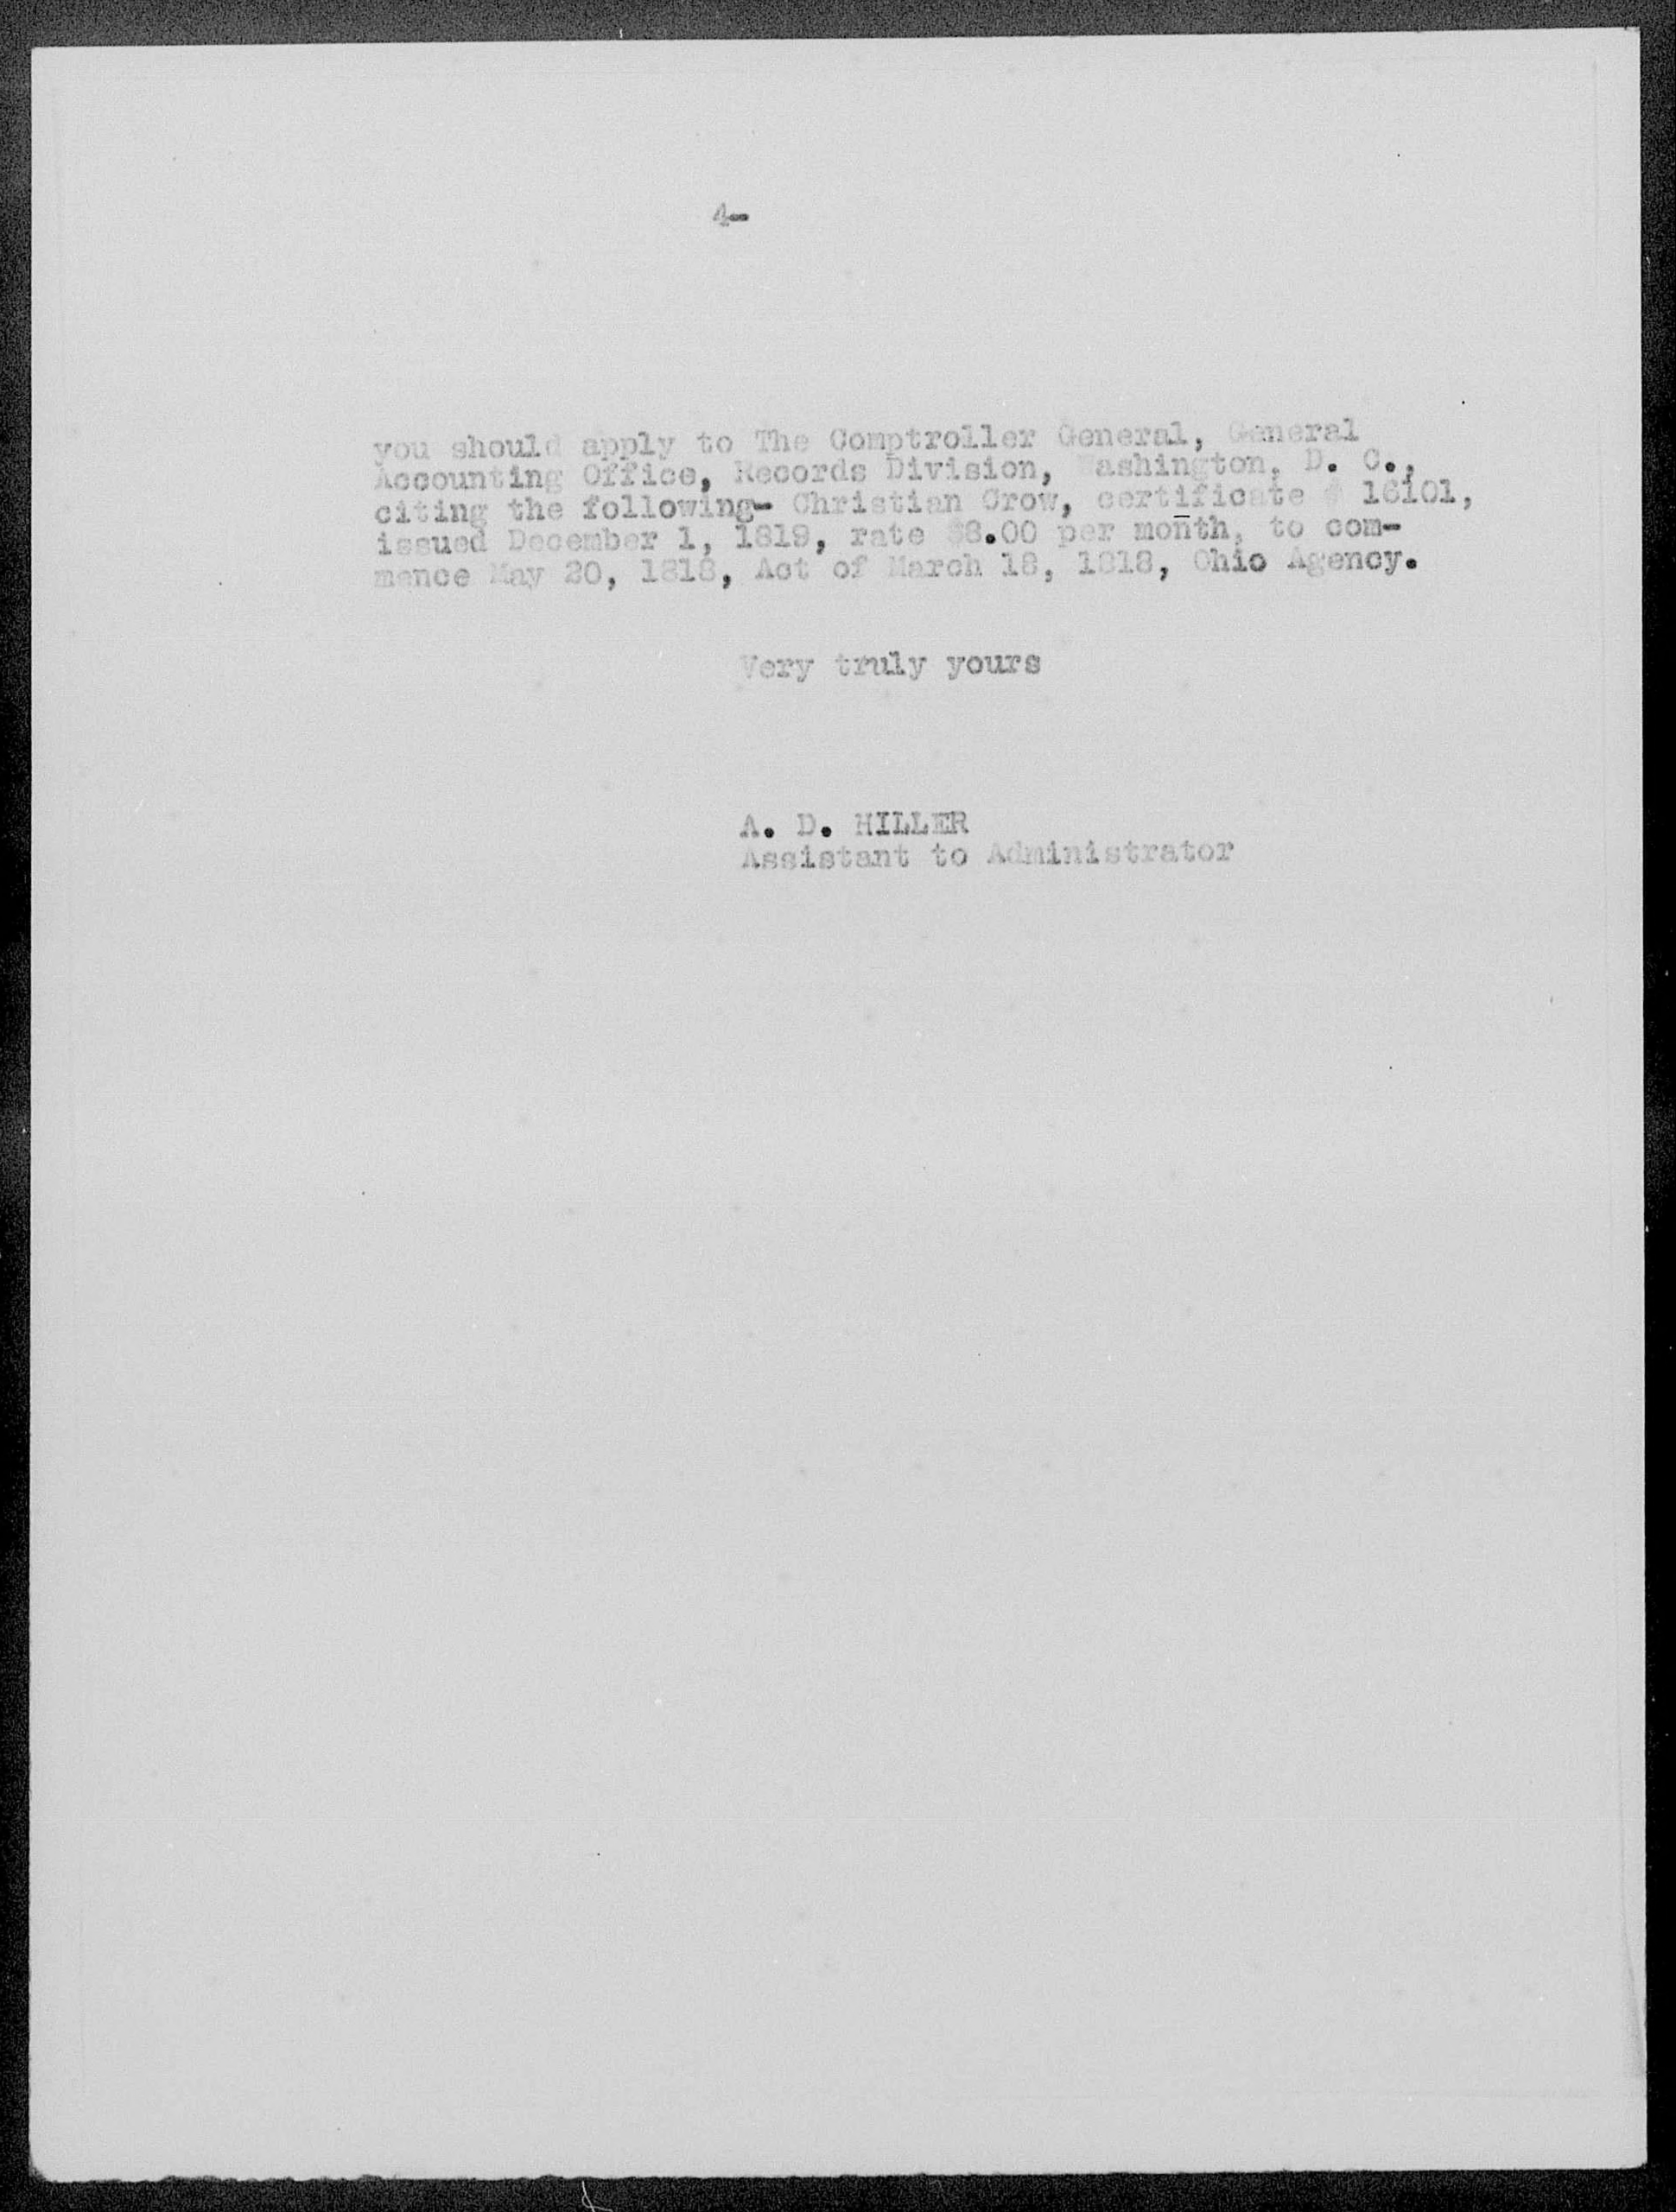-4-
you should apply to The Comptroller General, General Accounting Office, Records Division, Washington DC, citing the following - Christian Crow, certificate # 16101, issued December 1, 1819 rate $8.00 per month, to commence May 20, 1818, Act of March 18, 1818, Ohio Agency.
Very truly yours
A.D. Hiller
Assistant to Administrator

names: A D Hiller, Christian Crow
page: 28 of 30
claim: survivor's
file: S. 3099, Daniel Brainard, Conn. Privateer